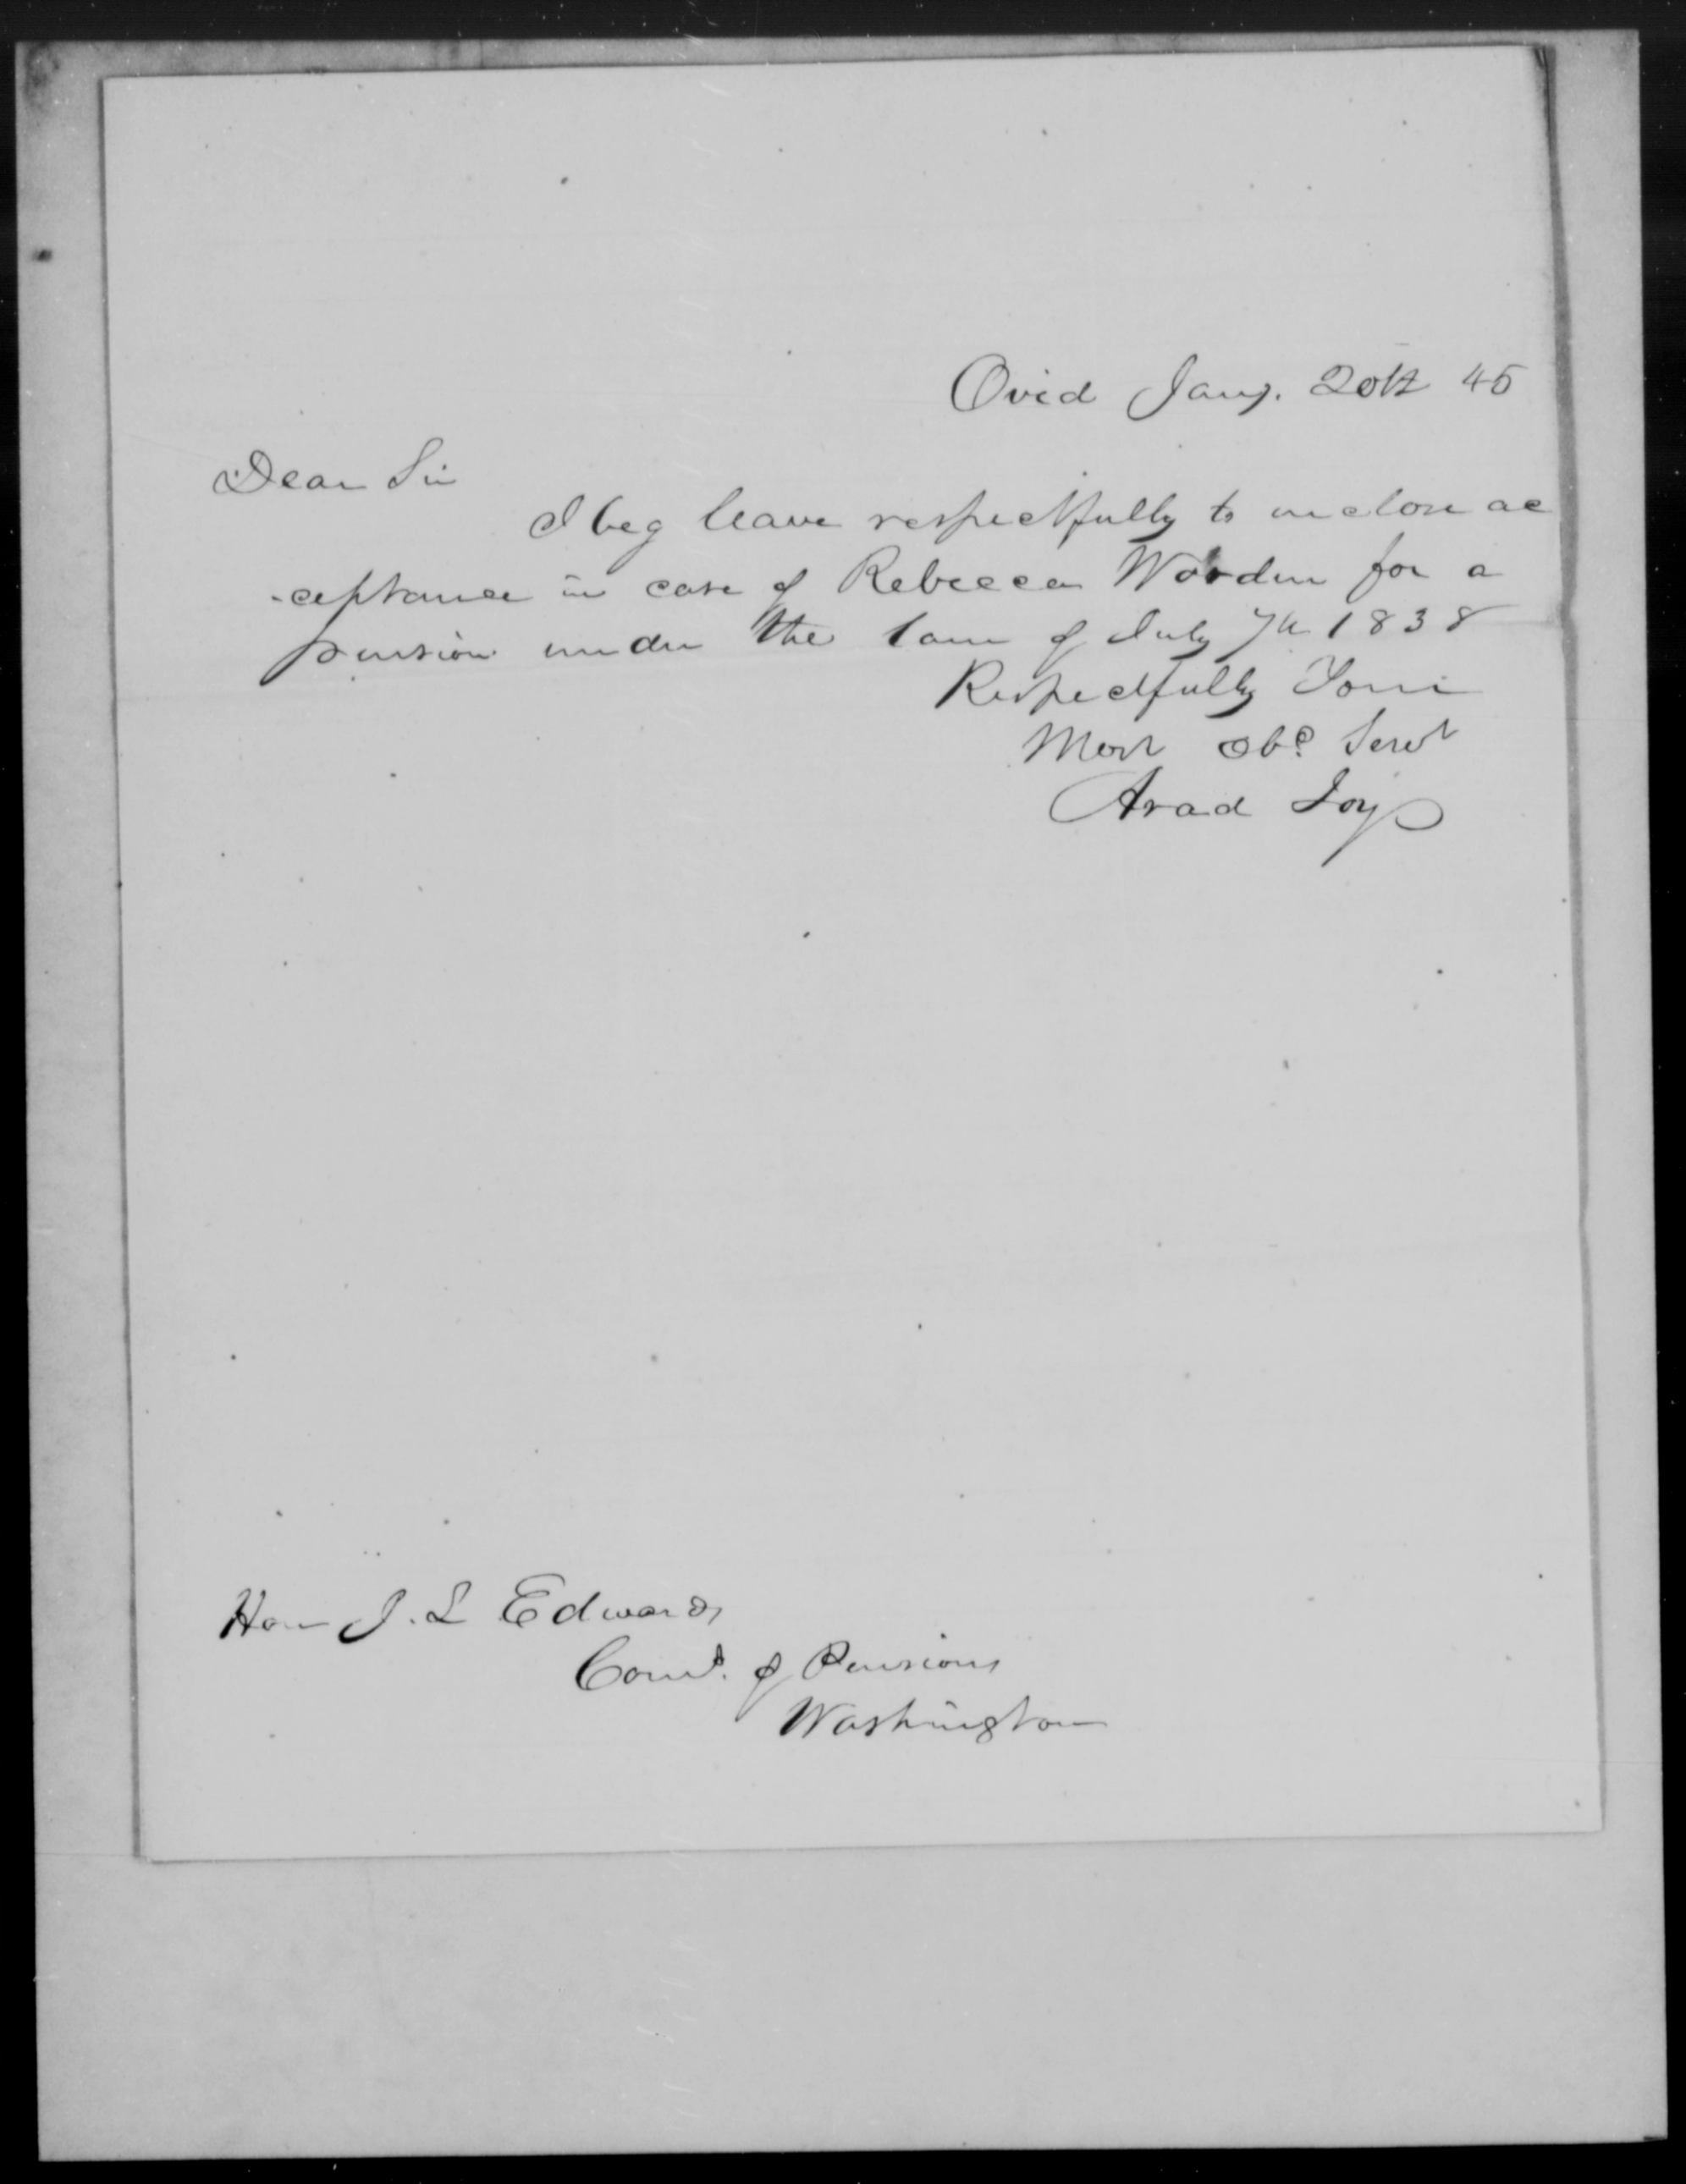Ovid Jany. 20th 45 
Dear Sir
I beg leave respectfully to enclose acceptance in case of Rebecca Woodin for a pension under the law of July 7th 1838 
Respectfully Your 
Most Obt Servt 
Arad Joy
Hon J. L Edwards 
Comr Pensions 
Washington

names: J L Edwards, Rebecca Wooden, Arad Joy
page: 59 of 77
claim: widow's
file: W. 19658, John Woodin, New York